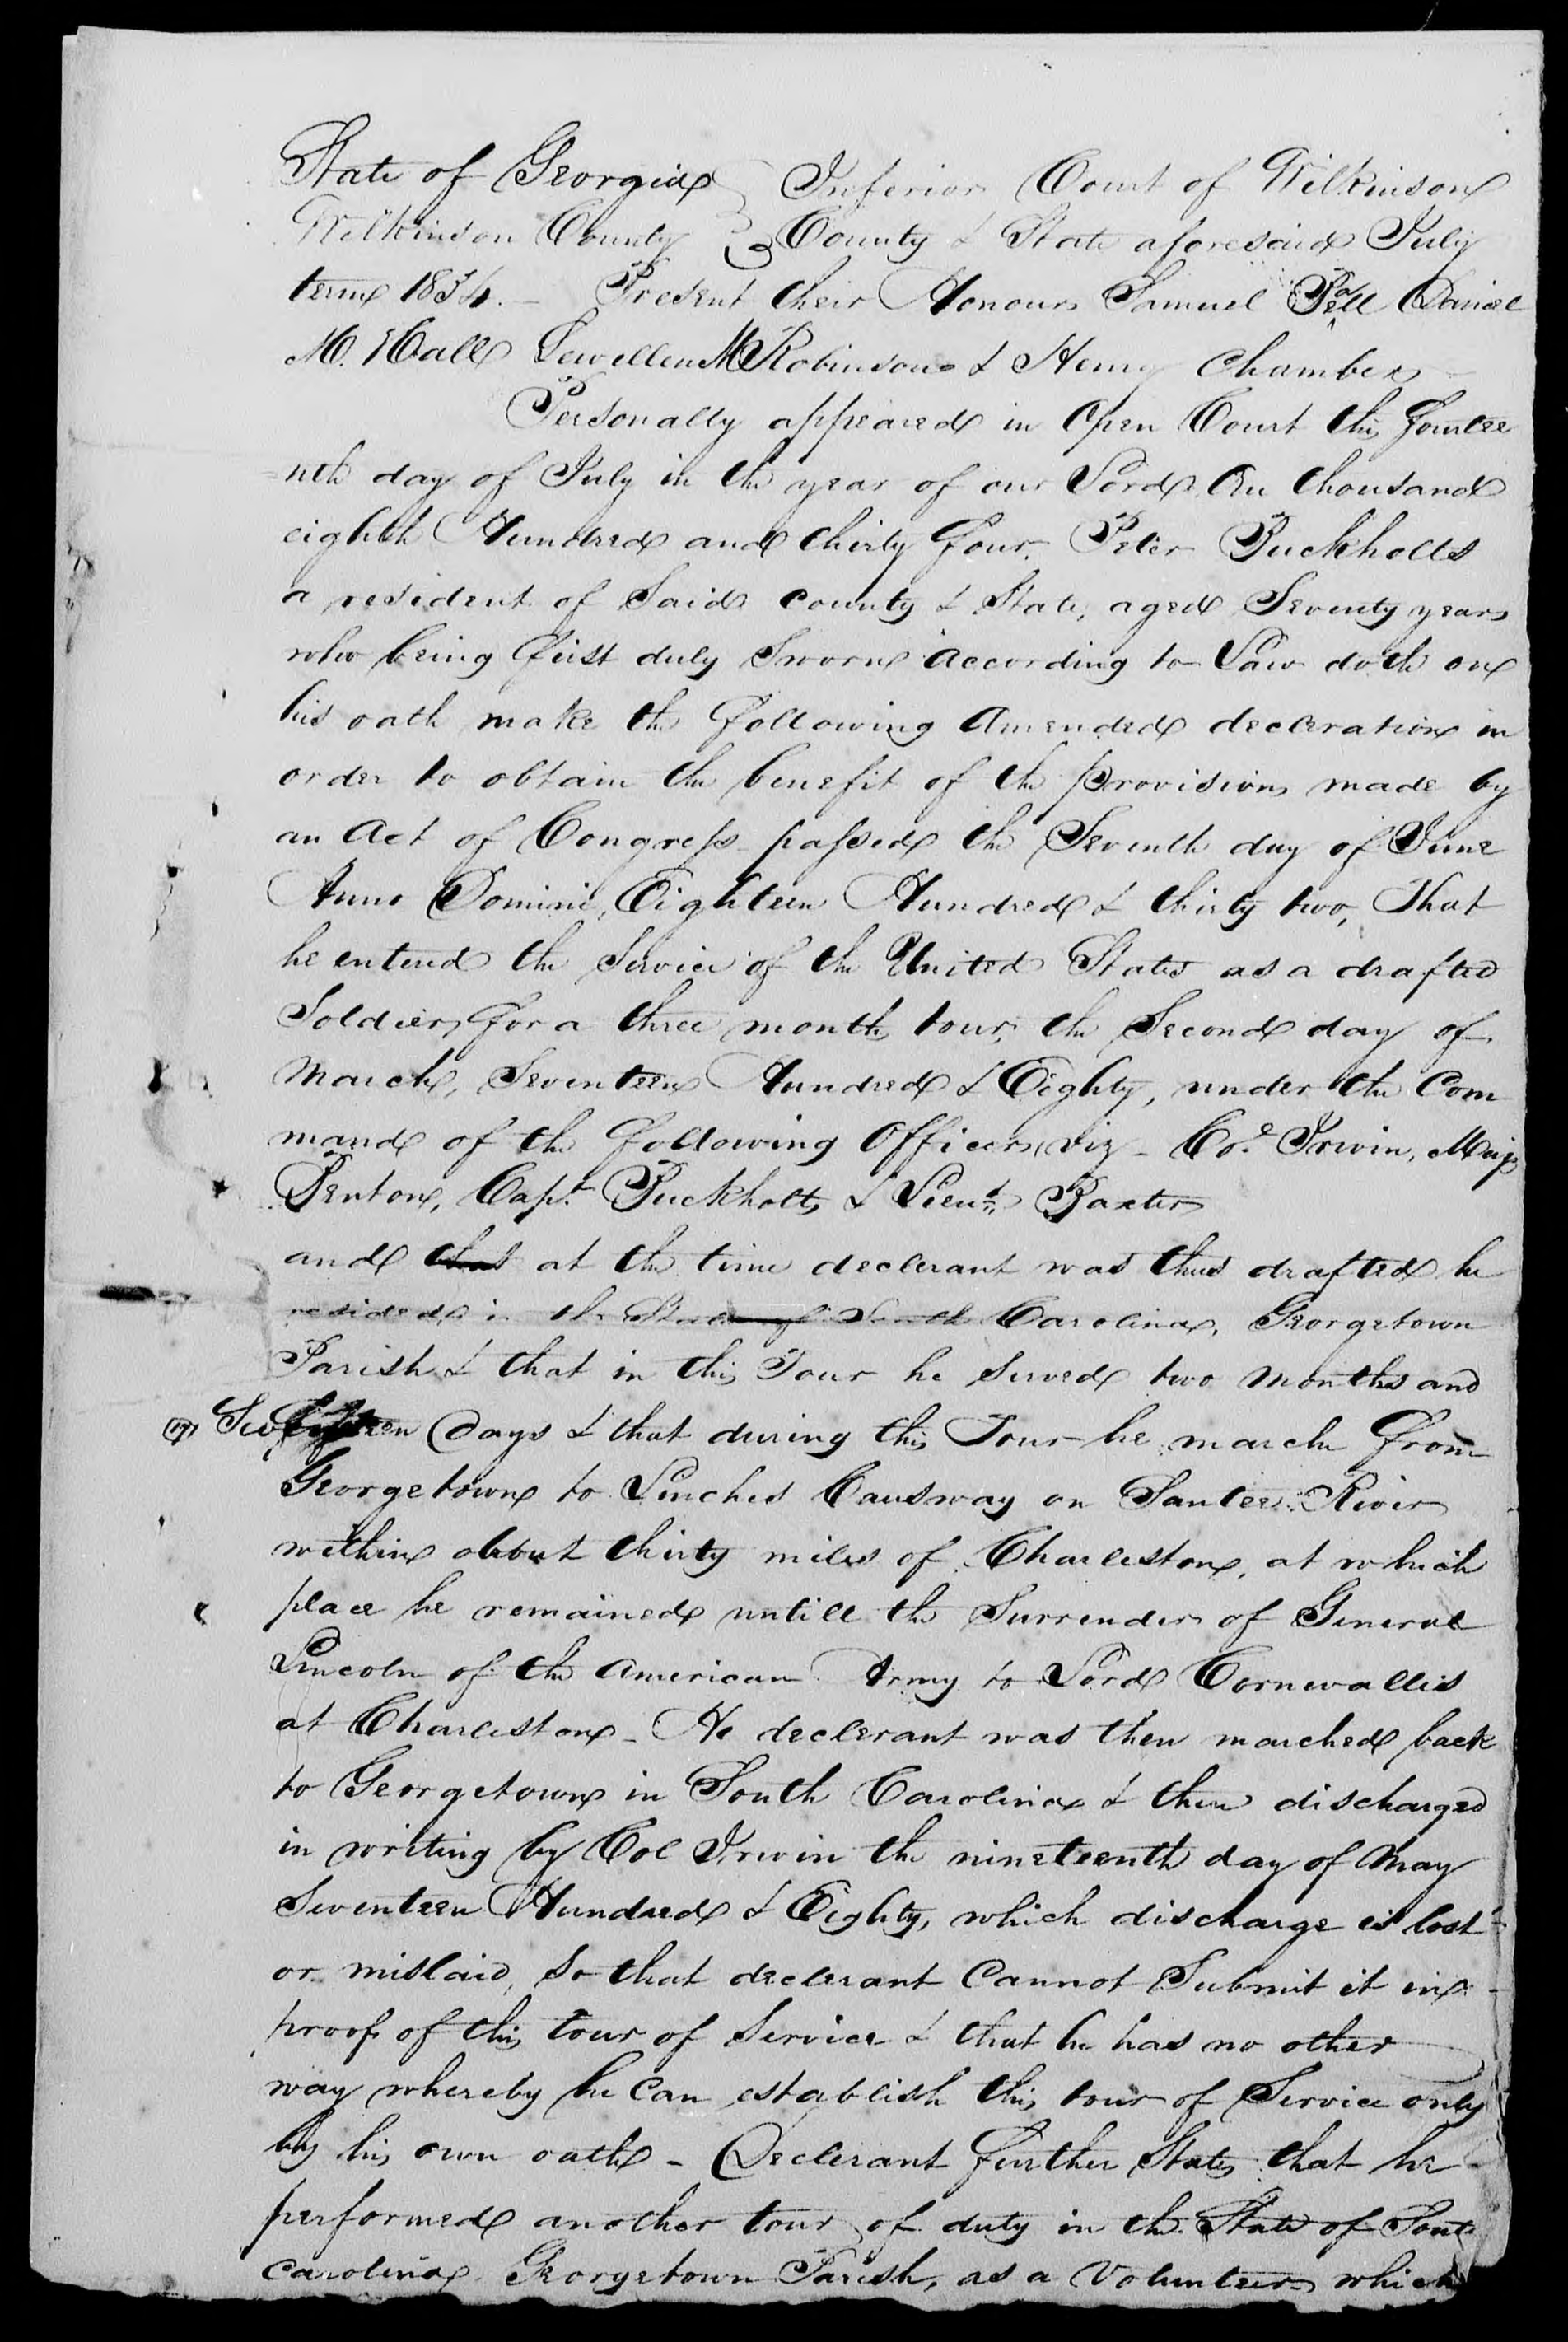State of Georgia
Wilkinson County
Inferior Court of Wilkinson County & State aforesaid July term 1834. Present their Honours Samuel Beall Daniel M. Hall Lewellen M Robinson & Henry Chambers
Personally appeared in Open Court this fourteenth day of July in the year of our Lord One thousand eight Hundred and thirty four Peter Buckholts a resident of said County & State, aged Seventy years who being first duly sworn according to law doth on his oath make the following amended declaration in order to obtain the benefit of the provisions made by an act of Congress passed the Seventh day of June Anno Domini Eighteen Hundred & thirty two, That he entered the service of the United States as a drafted Soldier for a three month tour, the Second day of March, Seventeen Hundred & Eighty, under the command of the following Officers, viz. Col. Irwin, Maj. Benton, Capt. Buckholts & Lieut. Baxter and that at the time declarant was thus drafted he resided in the State of South Carolina, Georgetown Parish & that in this Tour he served two months and fifteen days & that during this tour he march from Georgetown to Linches Causway on Santee River within about thirty miles of Charleston, at which place he remained untill the Surrender of General Lincoln of the American Army to Lord Cornwallis at Charleston. He declarant was then marched back to Georgetown in South Carolina & then discharged in writing by Col Irwin the nineteenth day of May Seventeen Hundred & Eighty, which discharge is lost or mislaid, so that declarant cannot submit it in proof of this tour of Service & that he has no other way whereby he can establish this tour of Service only by his own oath. Declarant further states that he performed another tour of duty in the State of South Carolina, Georgetown Parish, as a Volunteer which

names: Lewellen M Robinson, Baxter, Samuel Peall, Irwin, Daniel M Hall, Peter Buckholts, Buckholts, Irwin, M Hall, Henry Chamber, Benton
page: 6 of 23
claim: rejected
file: R. 1465, Peter Buckholts, S.C.